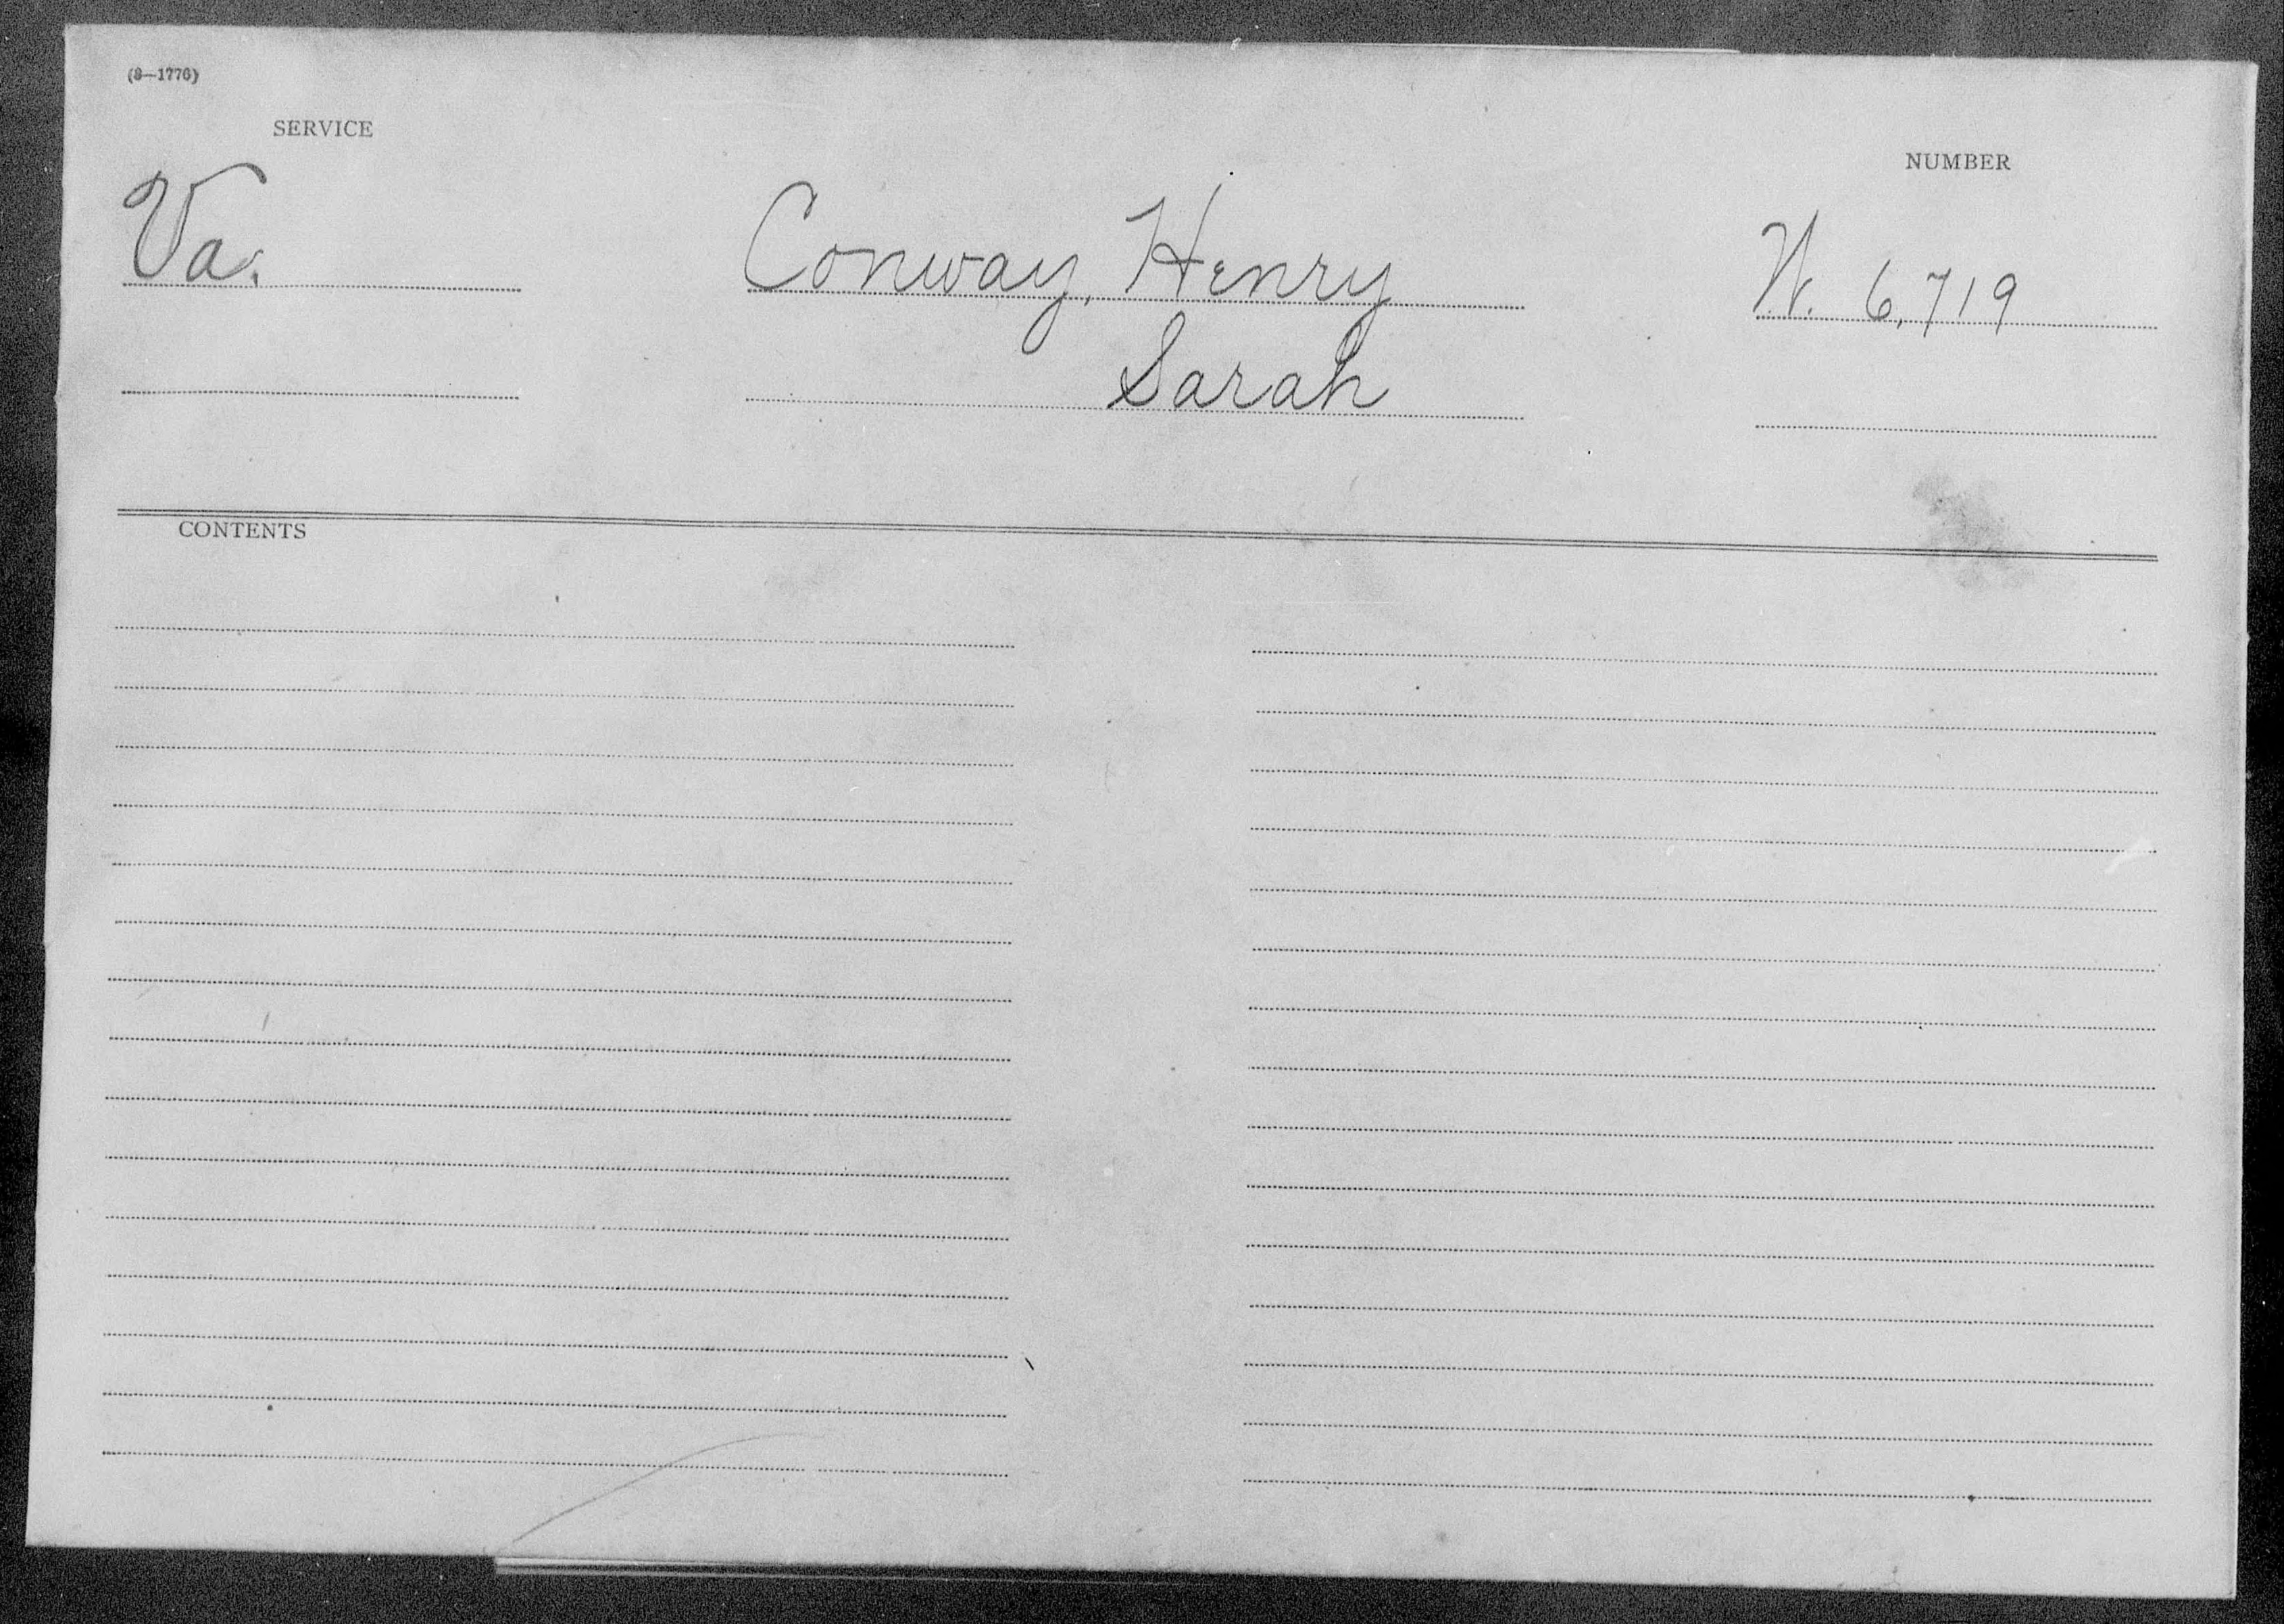Service - Va.


Conway, Henry
Sarah


Number - W. 6719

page: 1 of 13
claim: widow's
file: W. 6,719, Henry Conway, Va.